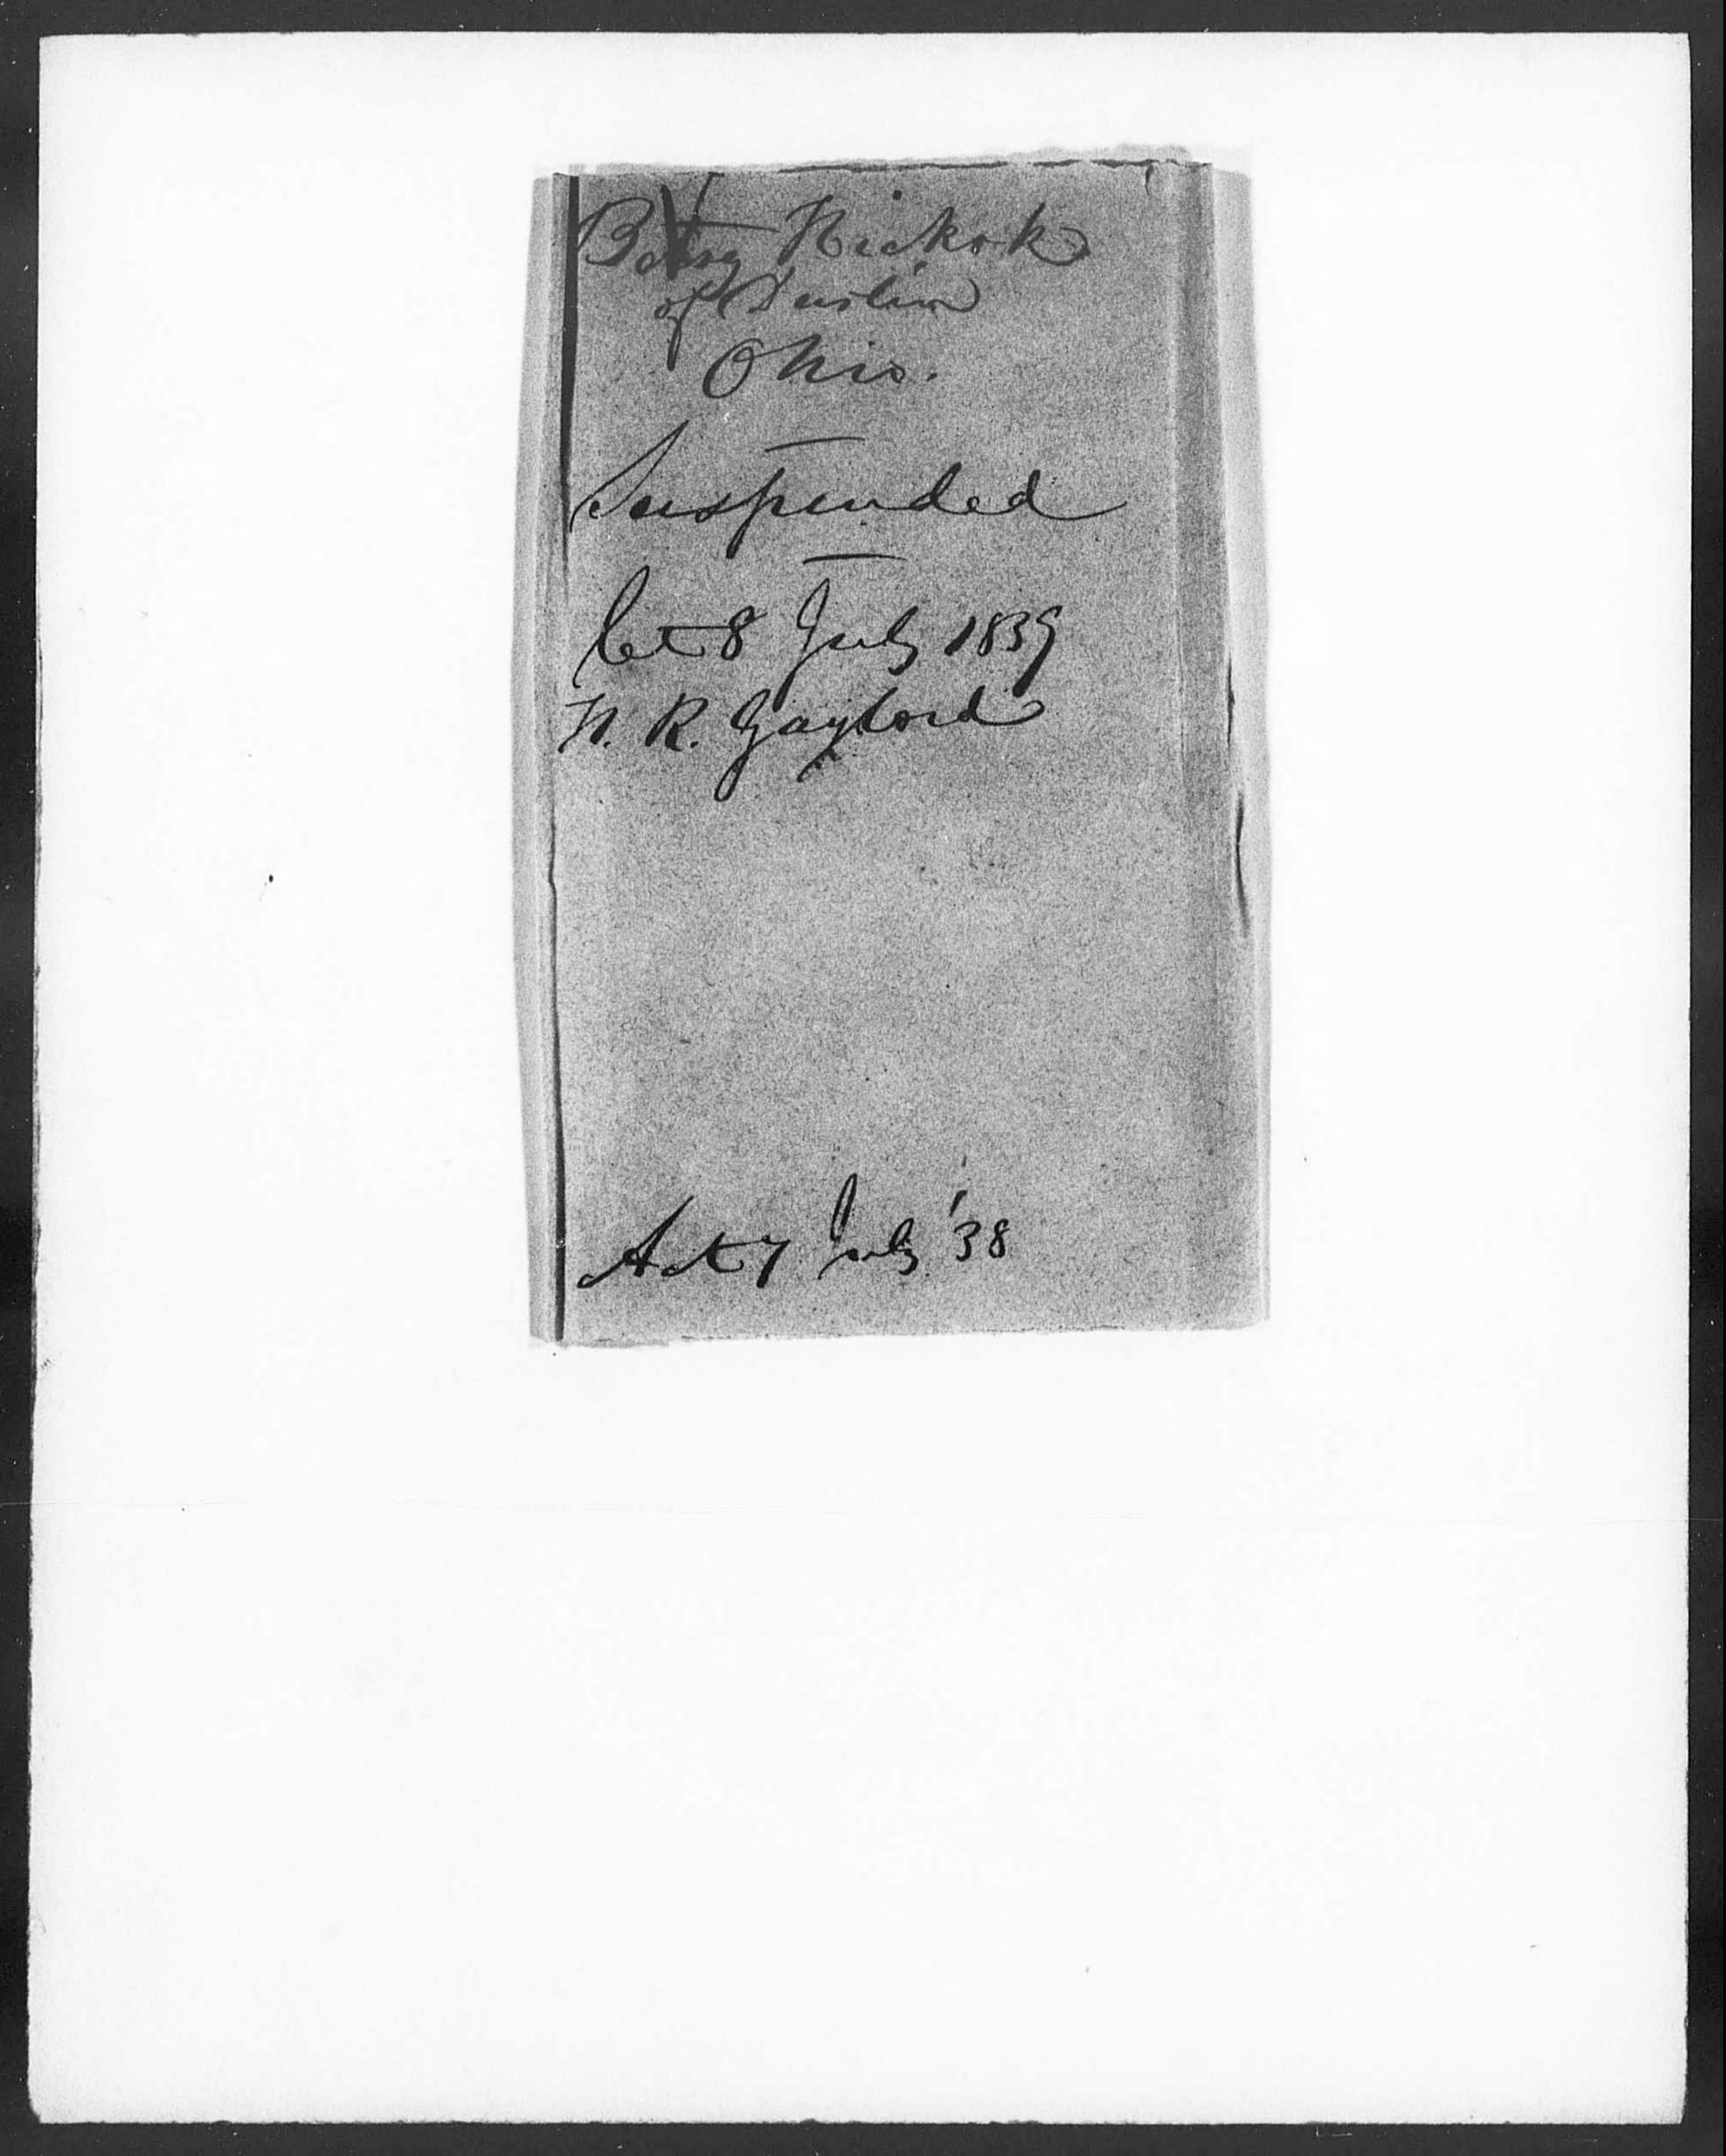Betsy Hickok 
of [illegible] 
Ohio.
Suspended
let 8 July 1839
H. R. Gaylord
Act 7 July '38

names: H R Gaylord, Betsy Hickok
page: 24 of 45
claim: widow's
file: W. 4988, Durlin Hickok, Mass.